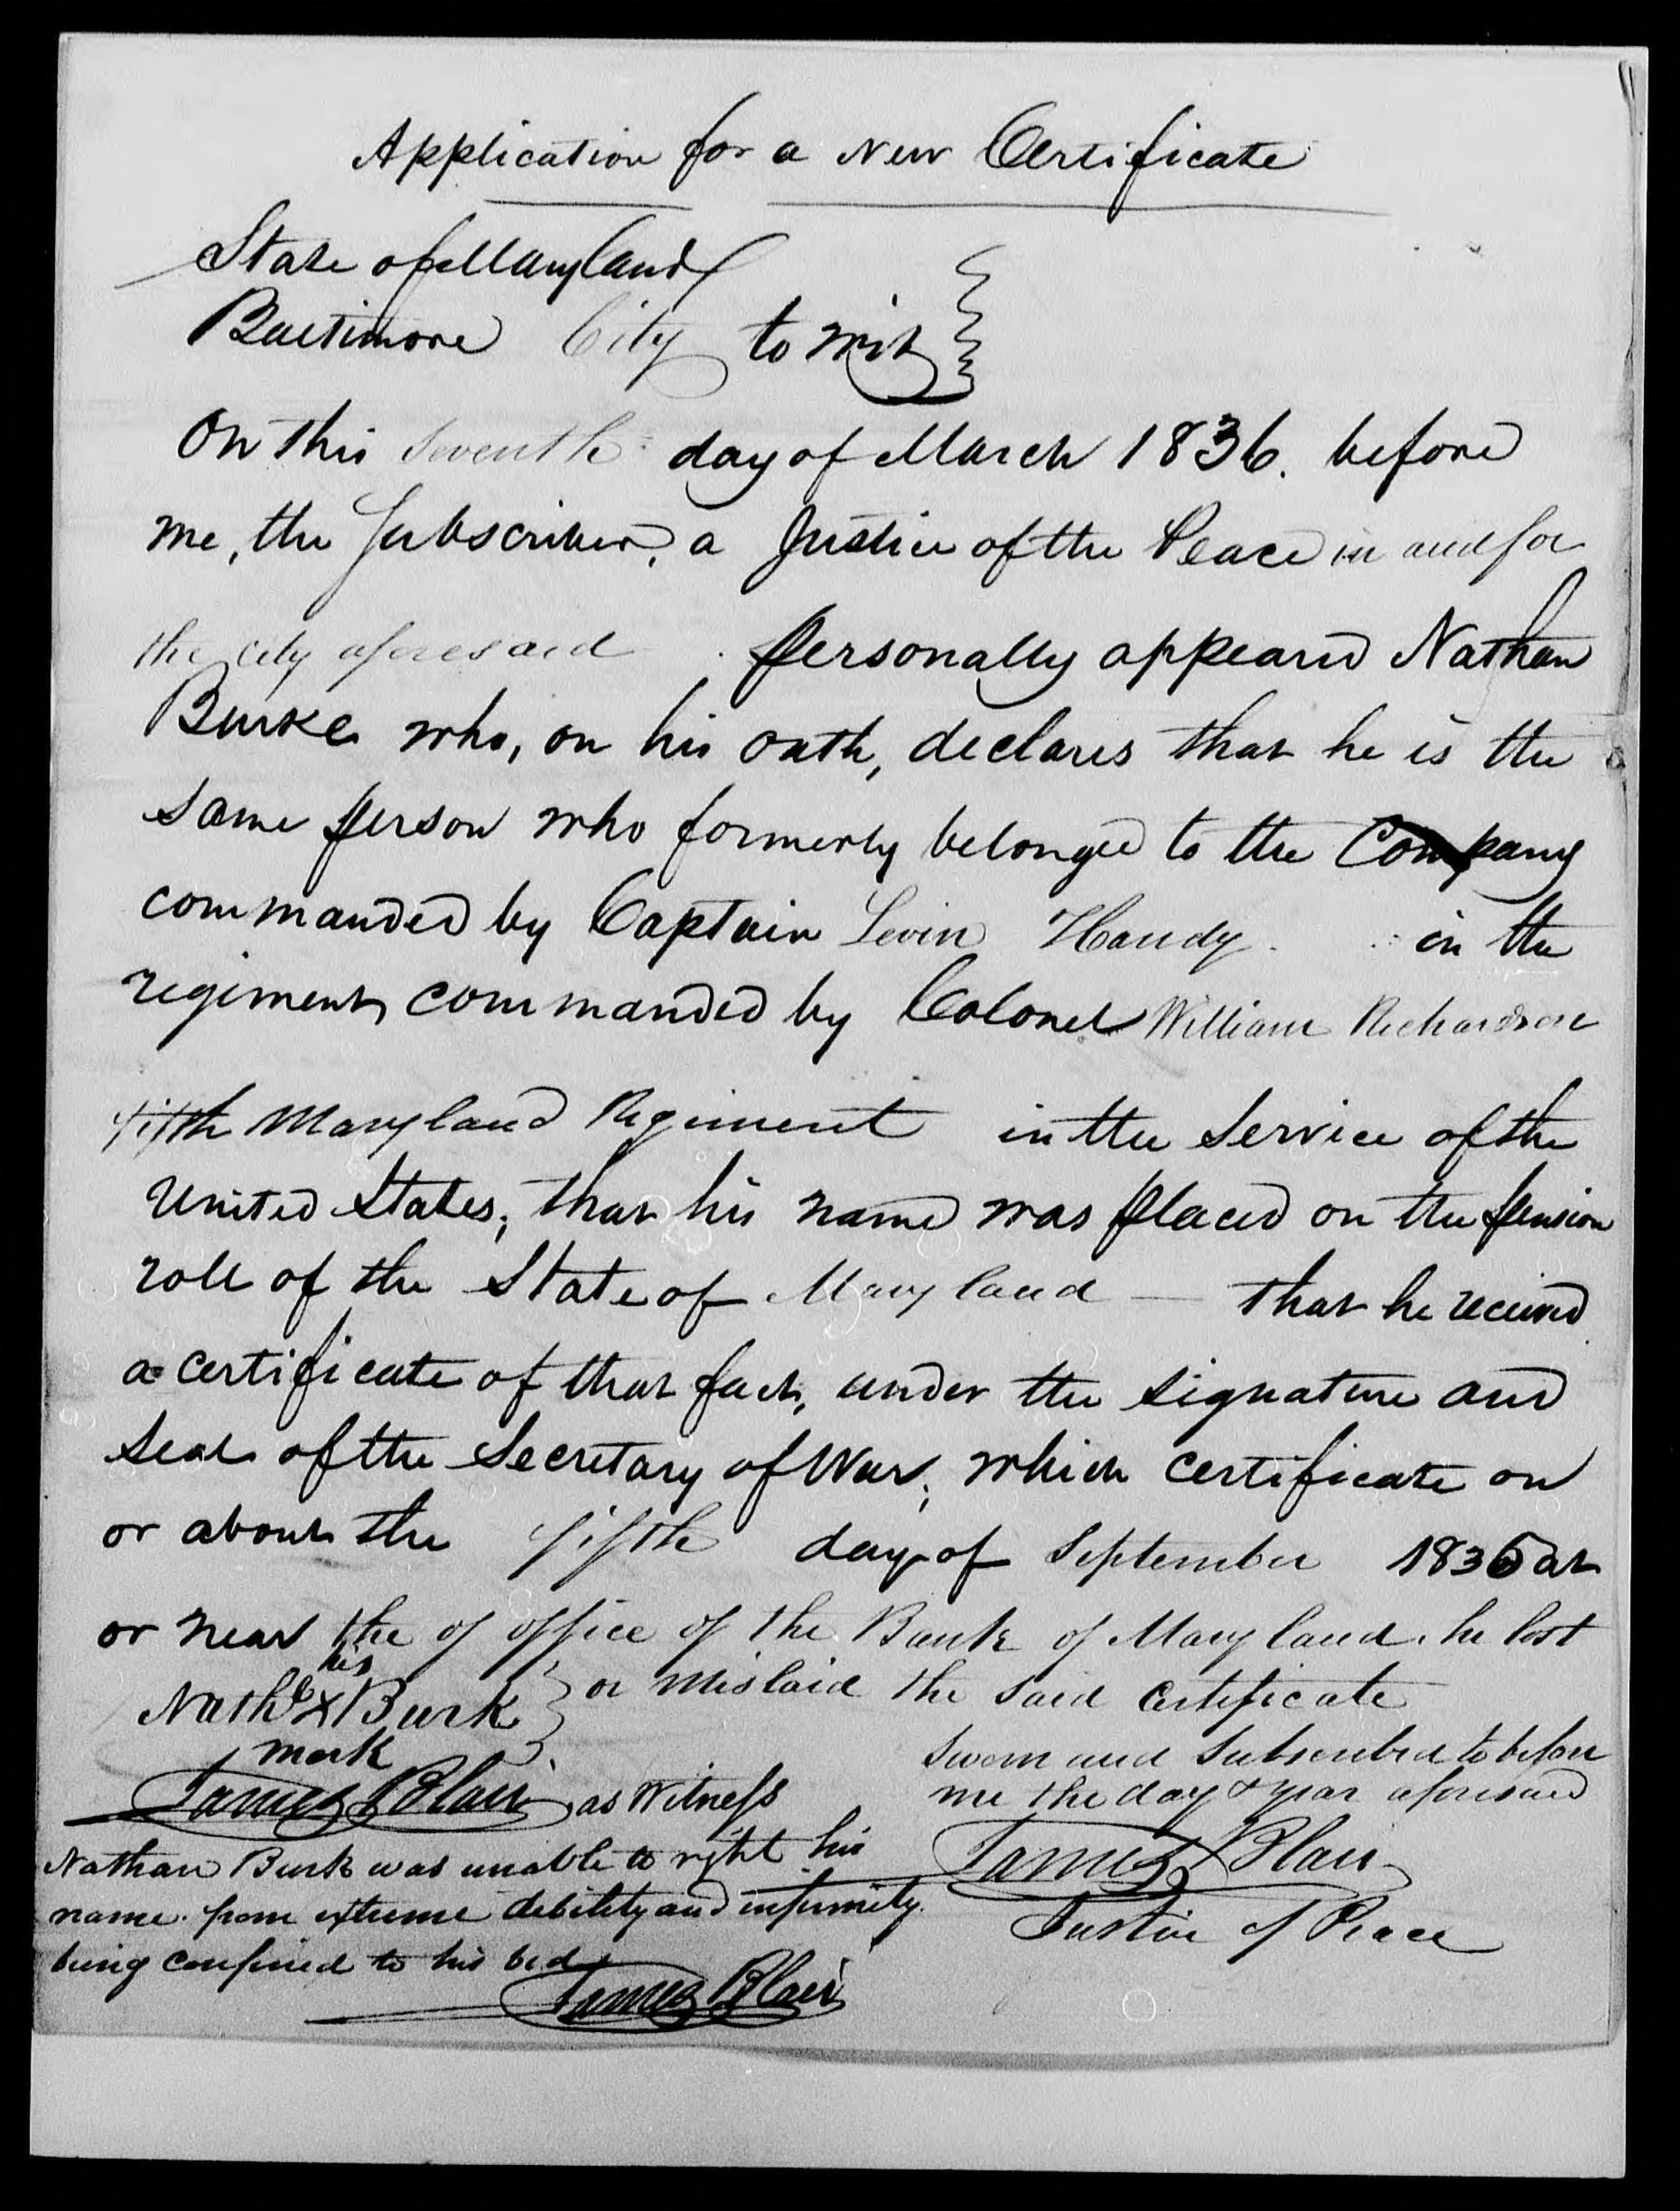Application for a New Certificate
State of Maryland
Baltimore City to wit

On this Seventh
day of March 1836. before
me, the subscriber a Justice of the Peace in and for the city aforesaid
Personally appeared Nathan
Burke who, on his oath, declares that he is the same person who formerly belonged to the Company commanded by Captain Levin Handy.
in the regiment commanded by Colonel William Richardson fifth Maryland Regiment
in the service of the United States, that his name was placed on the pension
roll of the State of Maryland - that he received
a certificate of that fact, under the signature and Seal of the Secretary of War; which certificate on or about the fifth day of September 1836 at or near the of office of the Bank of Maryland, he lost or mislaid the said Certificate
Sworn and Subscribed to before me the day & year aforesaid
Nathan his X mark Burk
James Blair as Witness
Nathan Burk was unable to right his
name from extreme debility and infirmity being certified to his bed
James Blair
James Blair 
Justice of Peace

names: James Blair, Nathan Burk, James Blair, William Richardson, Nathan Burke, Levin Handy, James Blair, Nathl Burk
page: 14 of 20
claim: survivor's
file: S. 34674, Nathan Burk, Md.